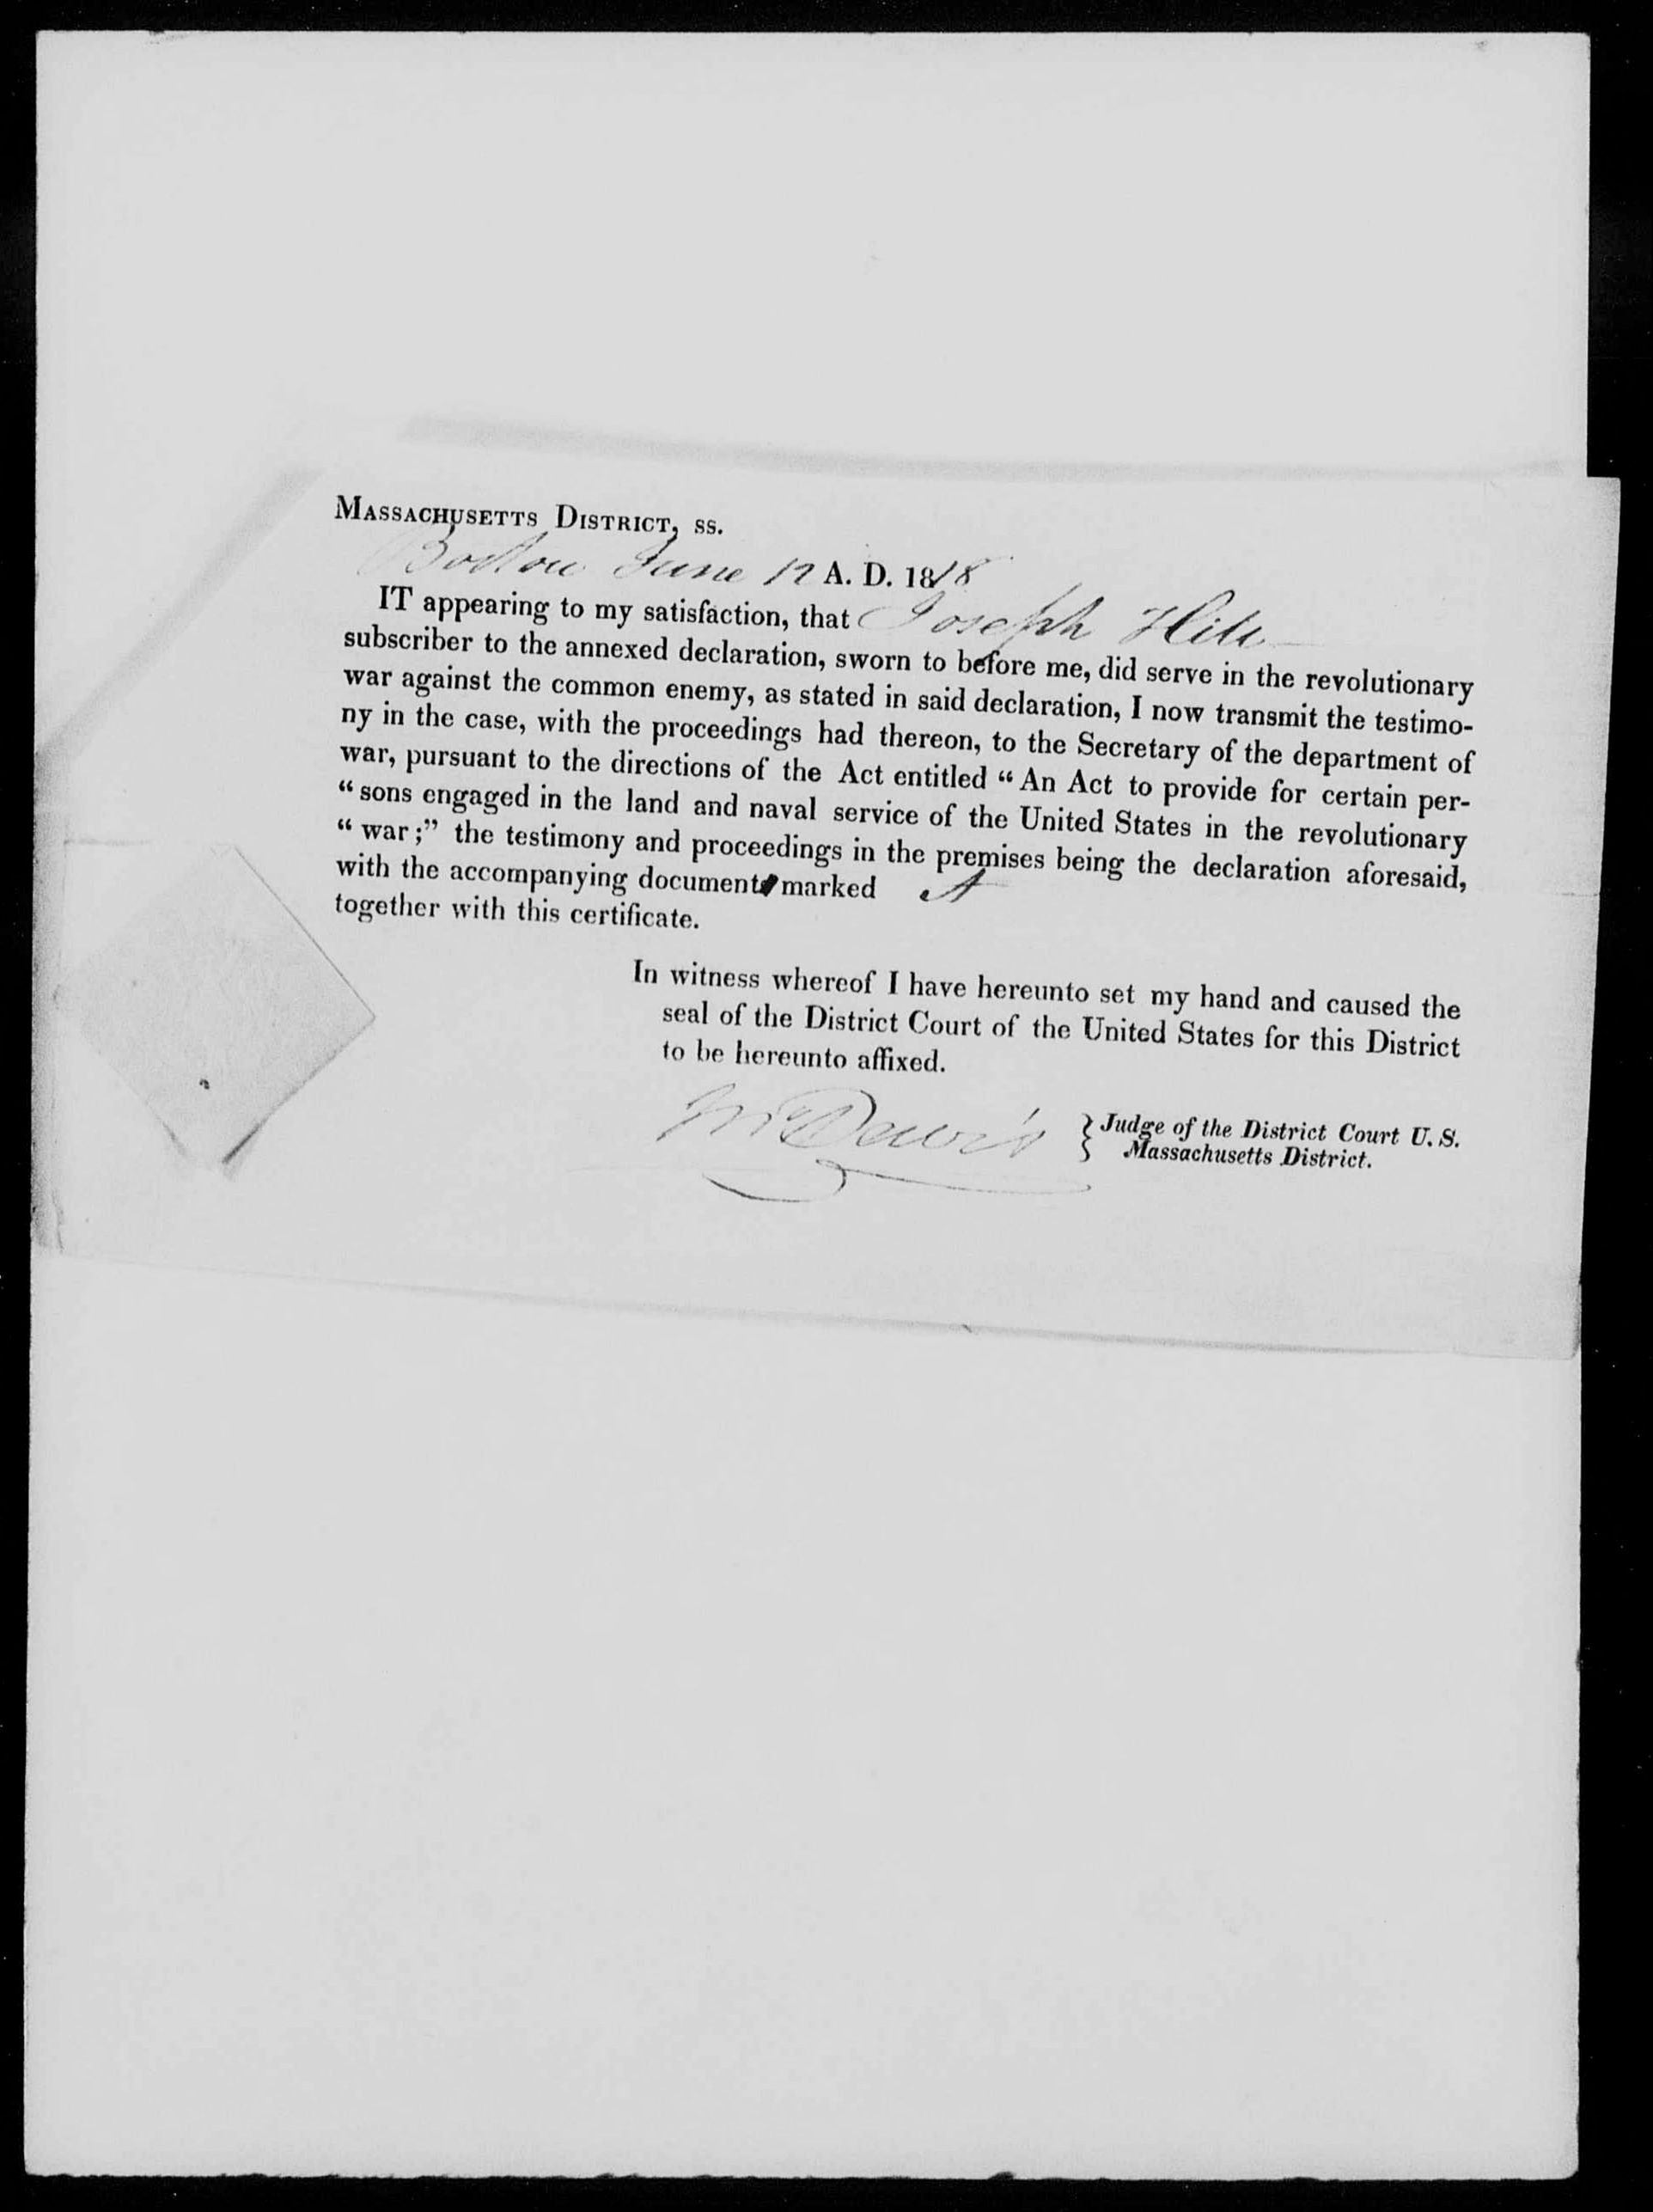MASSACHUSETTS DISTRICT ss.

Boston June 17, A.D. 1818


 with this certificate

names: Jno Davis, Joseph Hill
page: 14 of 14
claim: survivor's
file: S. 3,3303, Joseph Hill, Continental (Mass.)